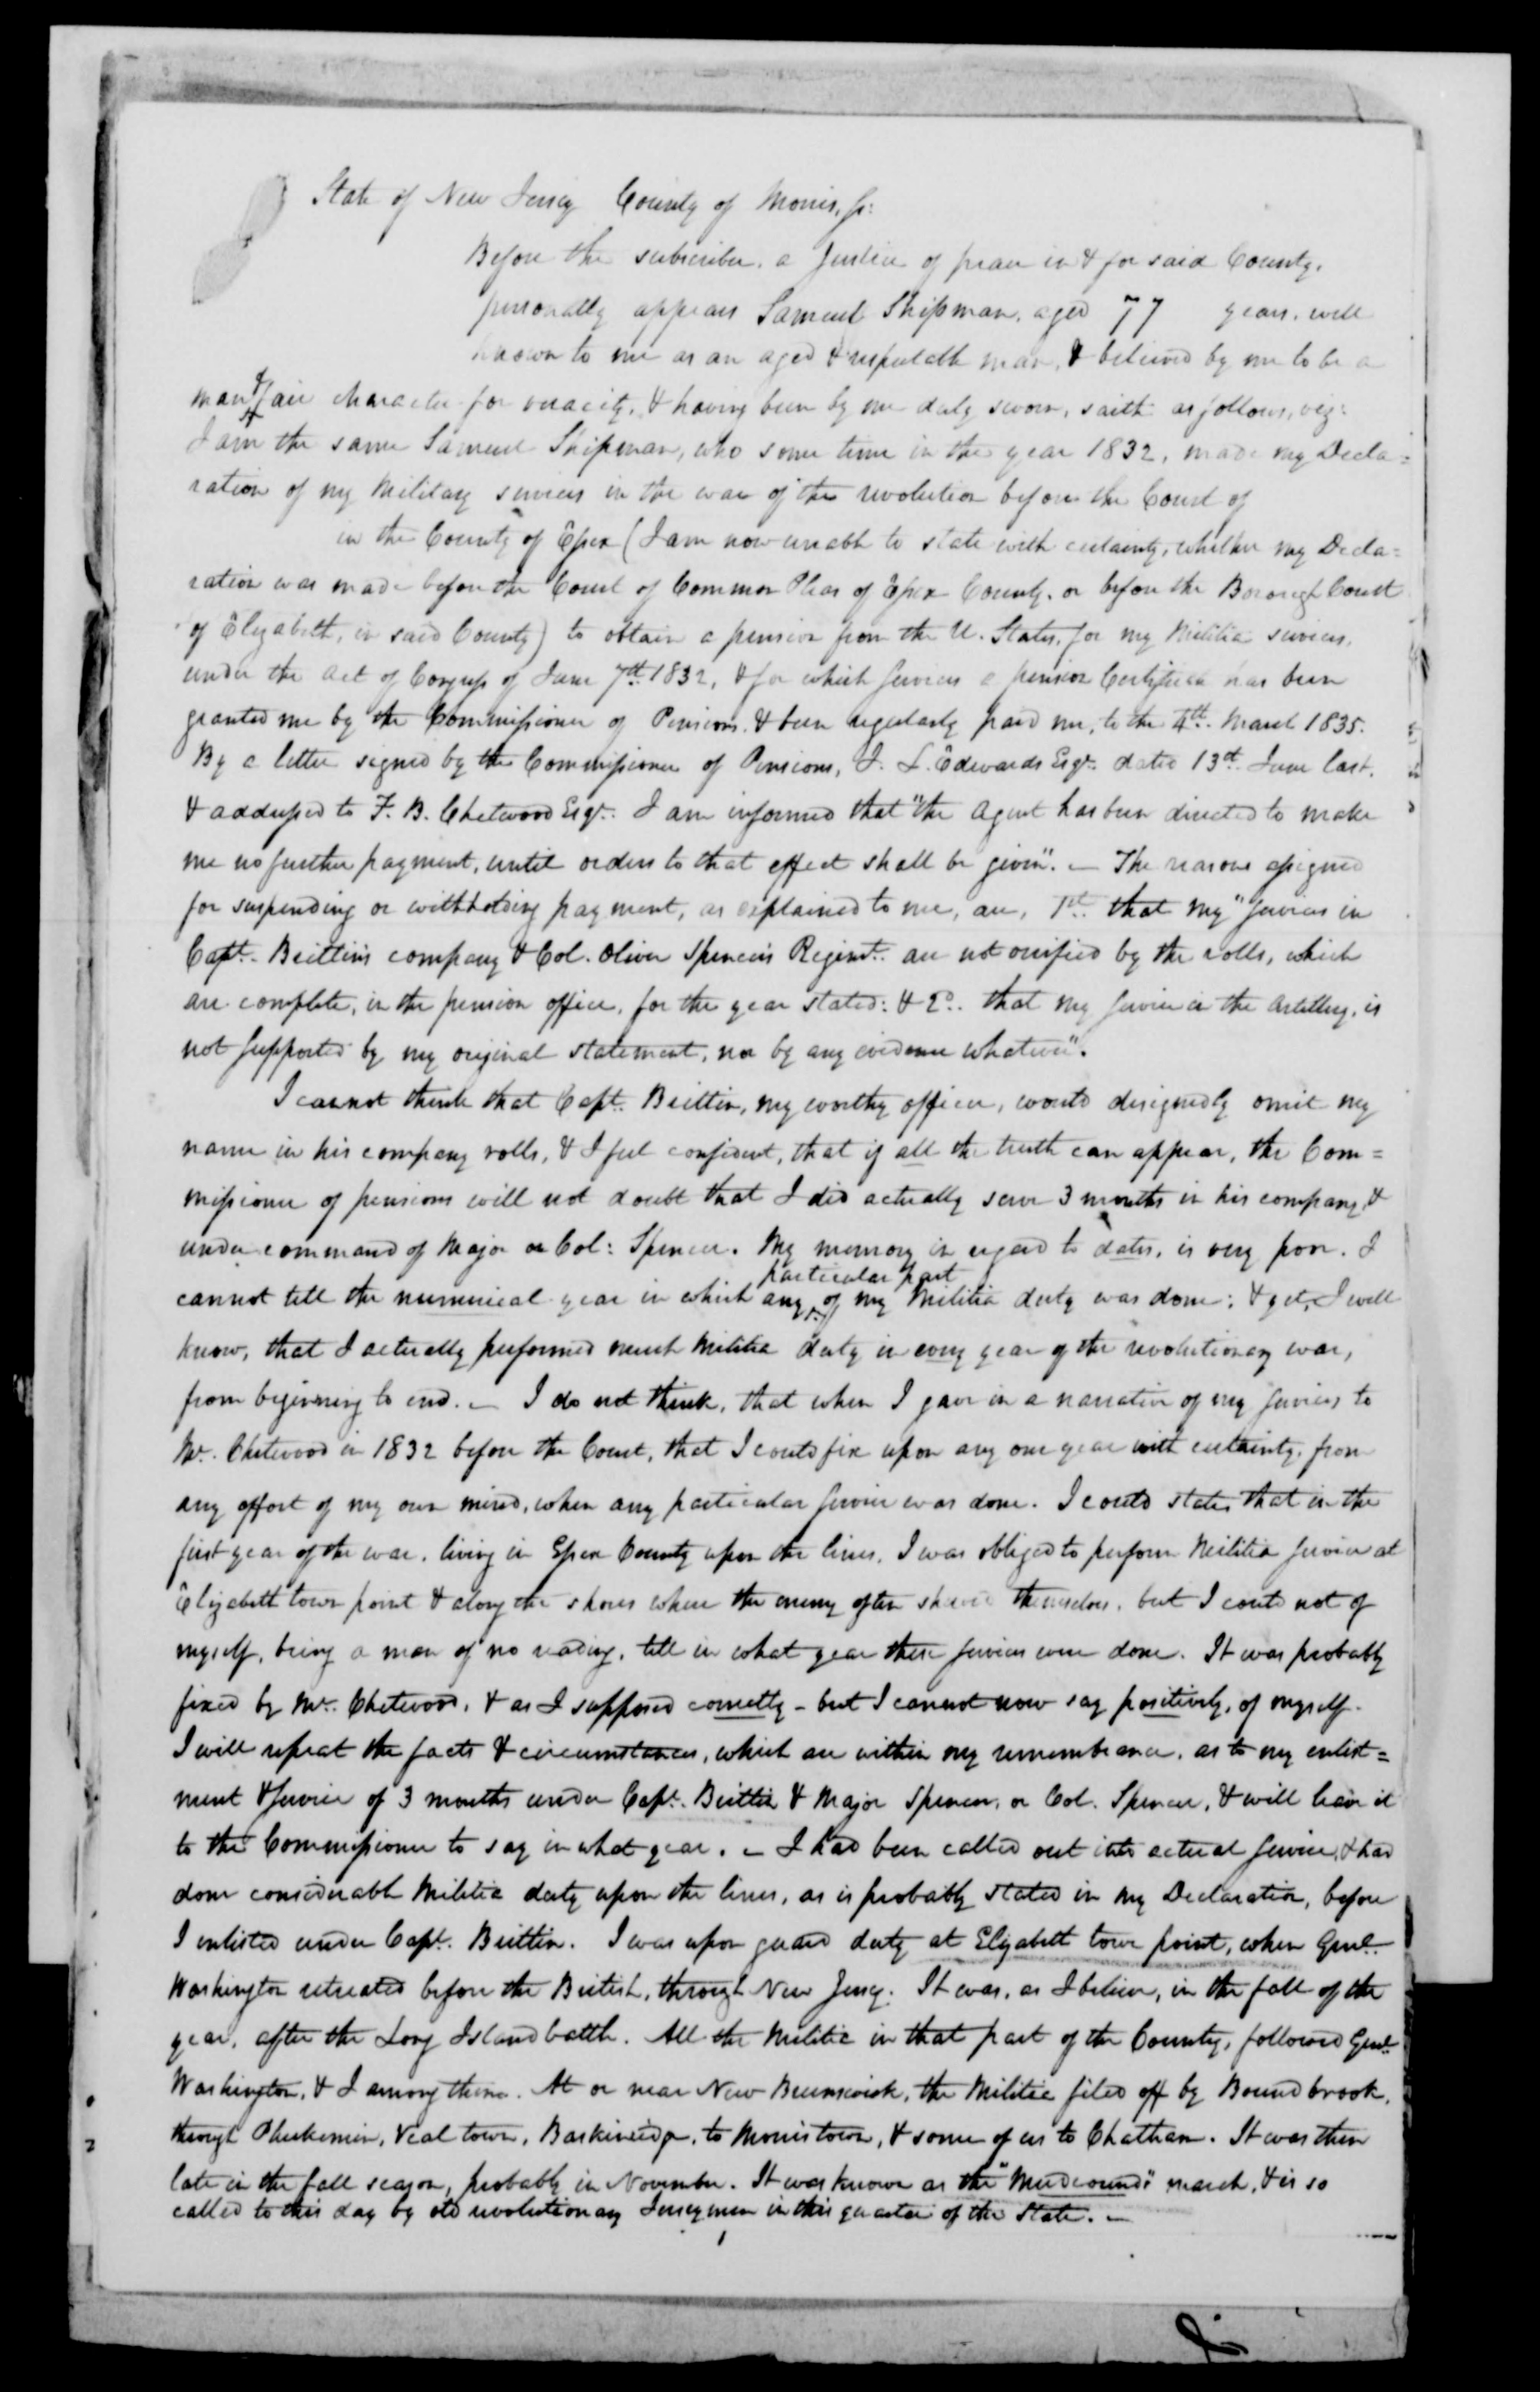State of New Jersey County of Morris, SS.
Before the subscriber a Justice of peace in & for said County personally appears Samuel Shipman, aged 77 years, well known to me as an aged & respectable man, & believed by me to be a man of fair character for veracity, & having been by me duly sworn, saith as follows, viz:
I am the same Samuel Shipman, who some time in the year 1832, made my declaration of my military services in the war of the revolution before the Court of                  in the County of Essex (I am now unable to state with certainty, whether my Declaration was made before the Court of Common Pleas of Essex County, or before the Borough Court of Elizabeth, in said County) to obtain a pension from the U. States, for my militia services under the act of Congress of June 7th 1832, & for which services a pension Certificate has been
granted me by the Commissioner of Pensions & been regularly paid me, to the 4th March 1835.
By a letter signed by the Commissioner of Pensions J. L. Edwards Esqr. dated 13th June last & addressed to F.B. Chetwood Esqr. I am informed that "the agent has been directed to make me no further payment, until orders to that effect shall be given". The reasons assigned for suspending or withholding payment, as explained to me, are, 1st that my "services in Capt Brittin's company & Col. Oliver Spencer's Regiment are not verified by the rolls, which are complete, in the pension office, for the year stated: & 2d that my s"ervice in the Artillery is not supported by my original statement, nor by any evidence whatever".

I cannot think that Capt Brittin, my worthy officer, would designedly omit my name in his company rolls, & I feel confident, that if all the truth can appear, the Commissioner of pensions will not doubt that I did actually serve 3 months in his company & under command of Major or Col. Spencer. My memory in regard to dates, is very poor.  I cannot tell the numerical year in which any particular part of my Militia duty was done; & yet, I well know, that I actually performed much militia duty in every year of the revolutionary war, from beginning to end. I do not think, that when I gave in a narrative of my services to Mr. Chetwood in 1832 before the Court, that I could fix upon any one year with certainty, from any effort of my own mind, when any particular service was done. I could state that in the first year of the war, living in Essex County upon the lines, I was obliged to perform militia service at Elizabeth town point & along the show where the enemy often showed themselves, but I could not of myself, being a man of no reading, tel in what year these  services were done. It was probably fixed by Mr Chetwood, & as I supposed correcly, but I cannot now say positively of myself.  I will repeat the facts & circumstances, which are within my remembrance, as to my enlistment & Service of 3 months under Capt Brittin & Major Spencer, or Col. Spencer, & will leave it to the Commissioner to say in what year. I had been called out into actual service, & had done considerable Militia duty upon the lines, as is probably stated in my Declaration, before
I enlisted under Capt. Brittain. I was upon guard duty at Elizabeth town point, when Genl. 
Washington retreated before the British, through New Jersey. It was, as I believe, in the fall of the year after the Long Island battle. All the militia in that part of the County, followed Genl. Washington, & I among them. At or near New Brunswick, the Militia filed off by Bound brook, through Pluckemin, Veal town, Baskingridge, to Morristown, & some of us to Chatham. It was then late in the fall season, probably in November. It was known as the "Mudrounds" march, & is so called to this day by old revolutionary Jerseymen in this quarter of the State.-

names: [BLANK] Washington; [BLANK] Spencer; [BLANK] Washington; J L Edwards; [BLANK] Chetwood; F B Chetwood; [BLANK] Brittin; [BLANK] Chetwood; [BLANK] Spencer; Samuel Shipman; [BLANK] Brittin; [BLANK] Brittin; [BLANK] Spencer; Samuel Shipman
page: 36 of 44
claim: survivor's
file: S. 912, for Samuel Shipman, New Jersey